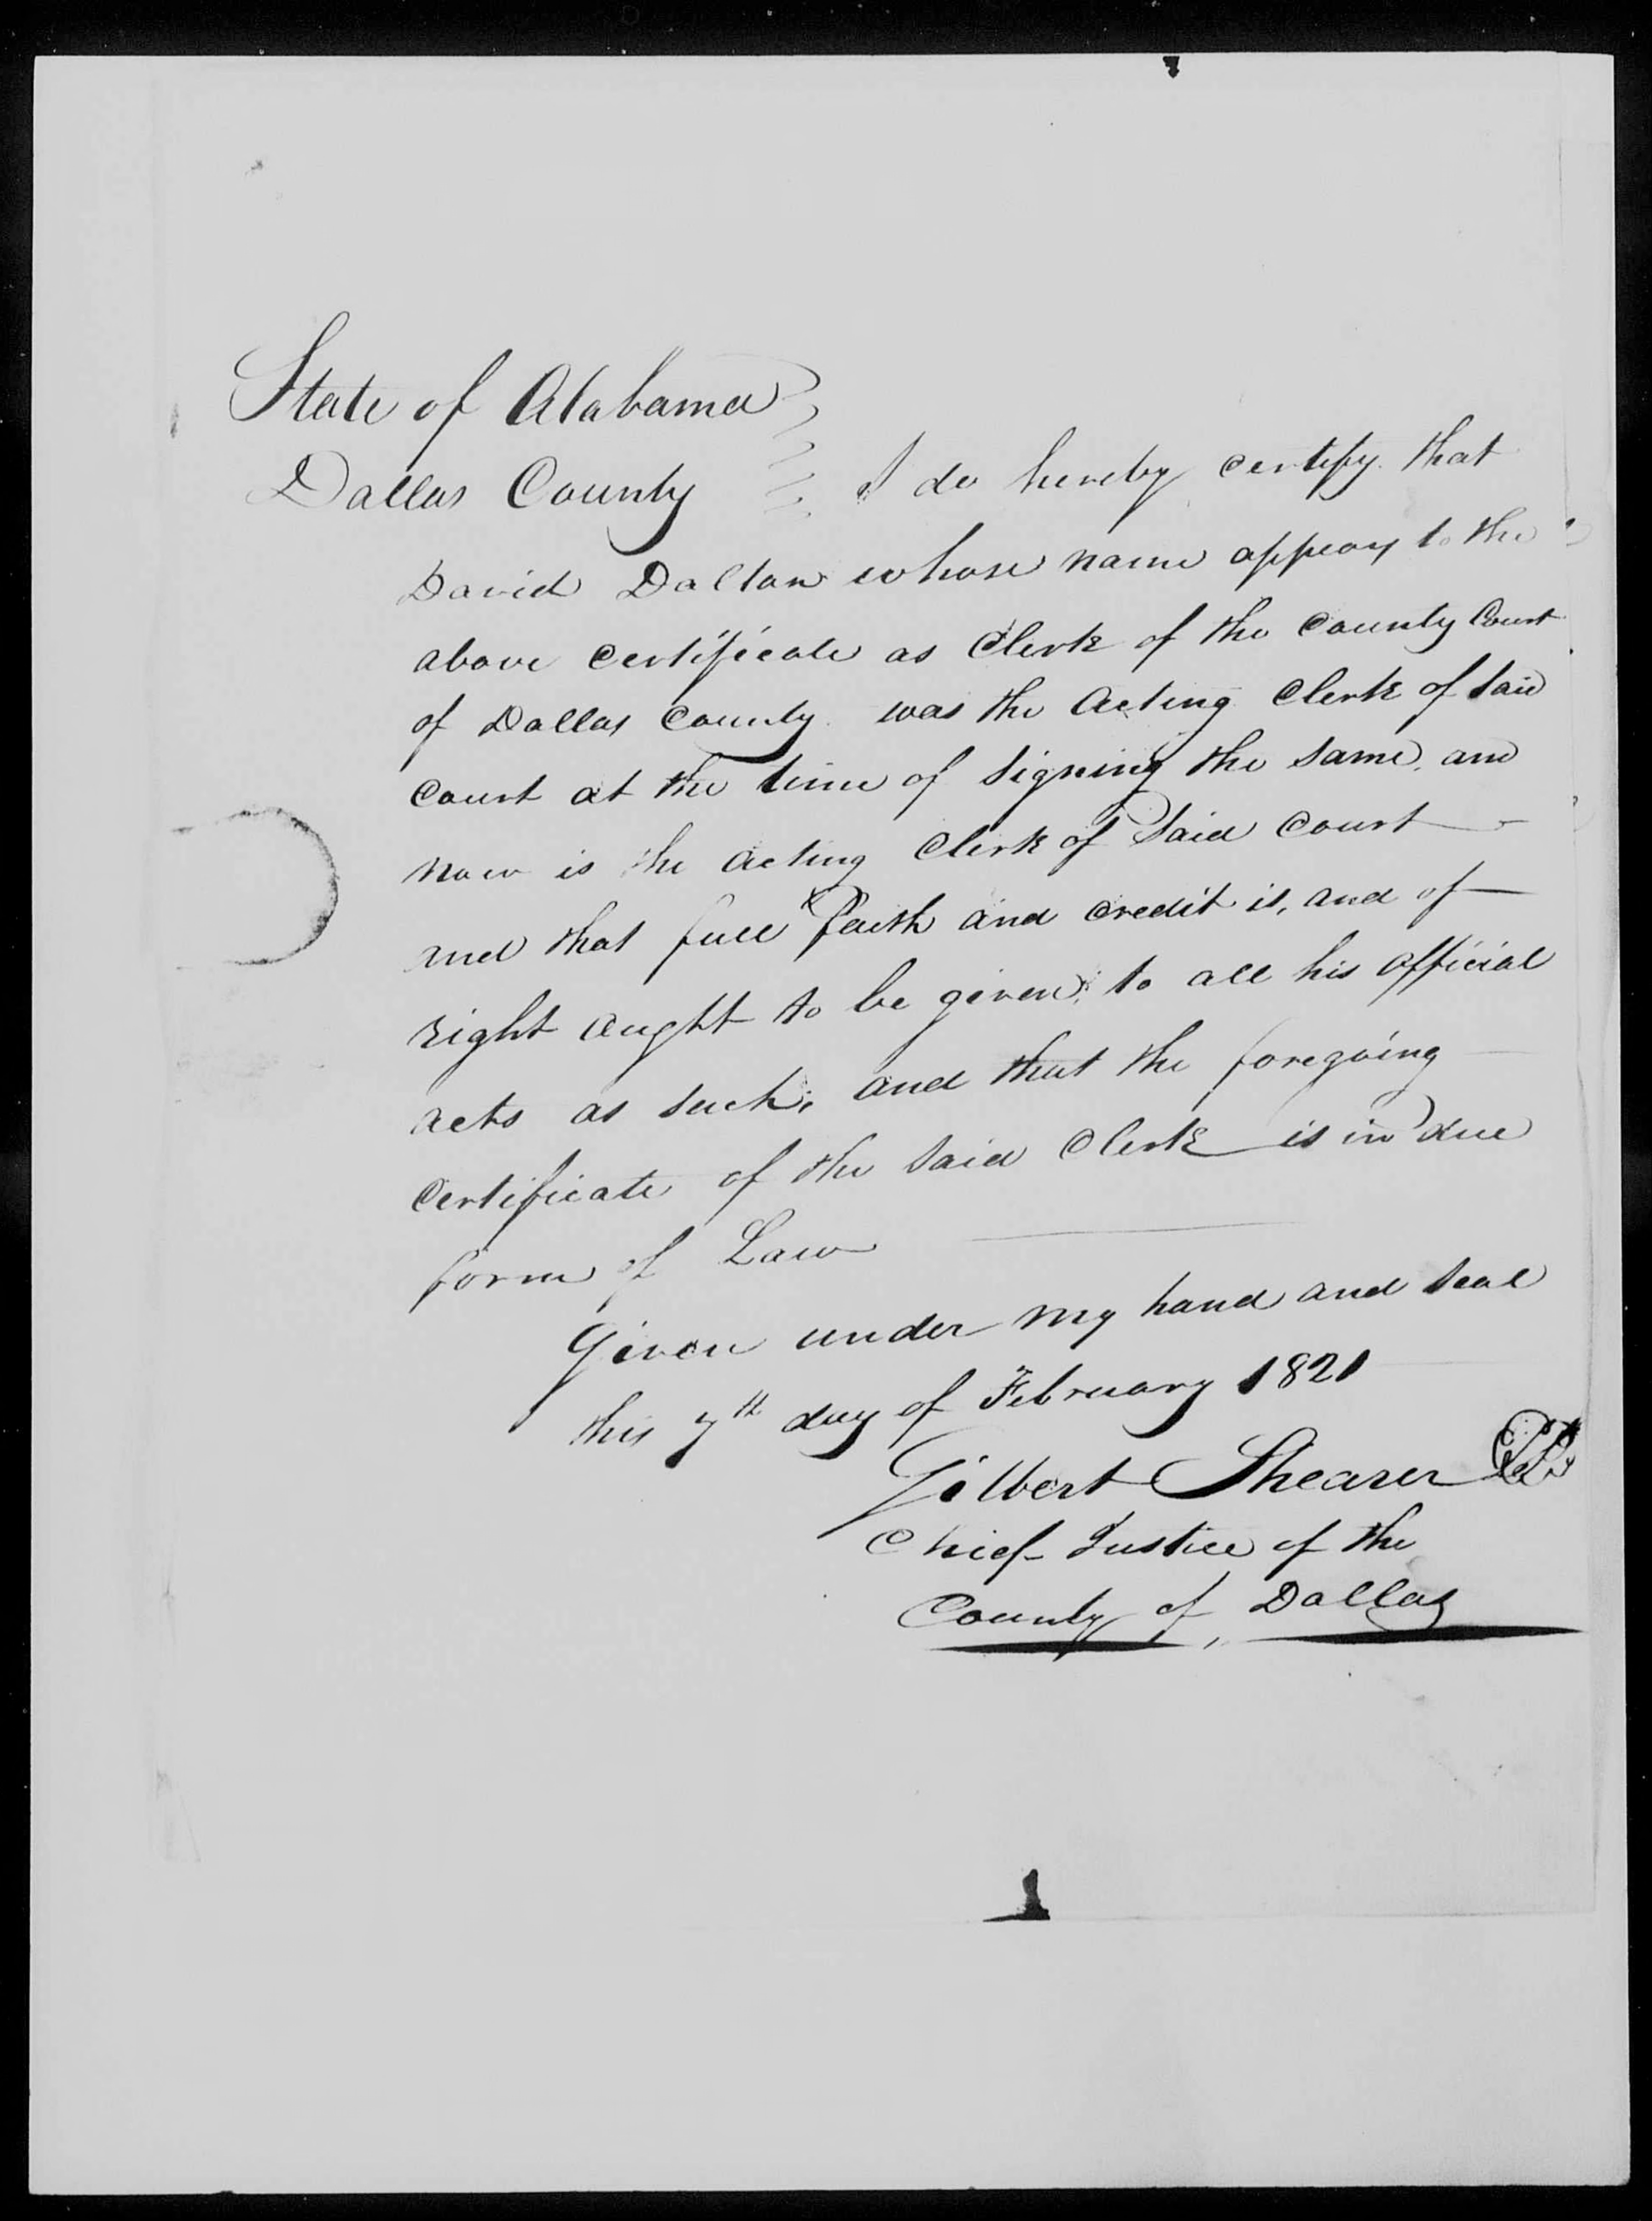State of Alabama
Dallas County

I do hereby certify that David Dalton whose name appears to the above certificate as clerk of the county court of Dallas County was the acting clerk of said court at the time of signing the same and now is the acting clerk of said court and that full faith and credit is and of right aught to be given to all his official acts as such and that the foregoing certificate of the said clerk is in due forms of law.

Given under my hand and seal this 7th day of February 1821

Gilbert Shearer
chief justice of the county of Dallas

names: David Dalton, Gilbert Shearer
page: 11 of 29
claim: survivor's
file: S. 37,795, Benjamin Bolton, N.C.